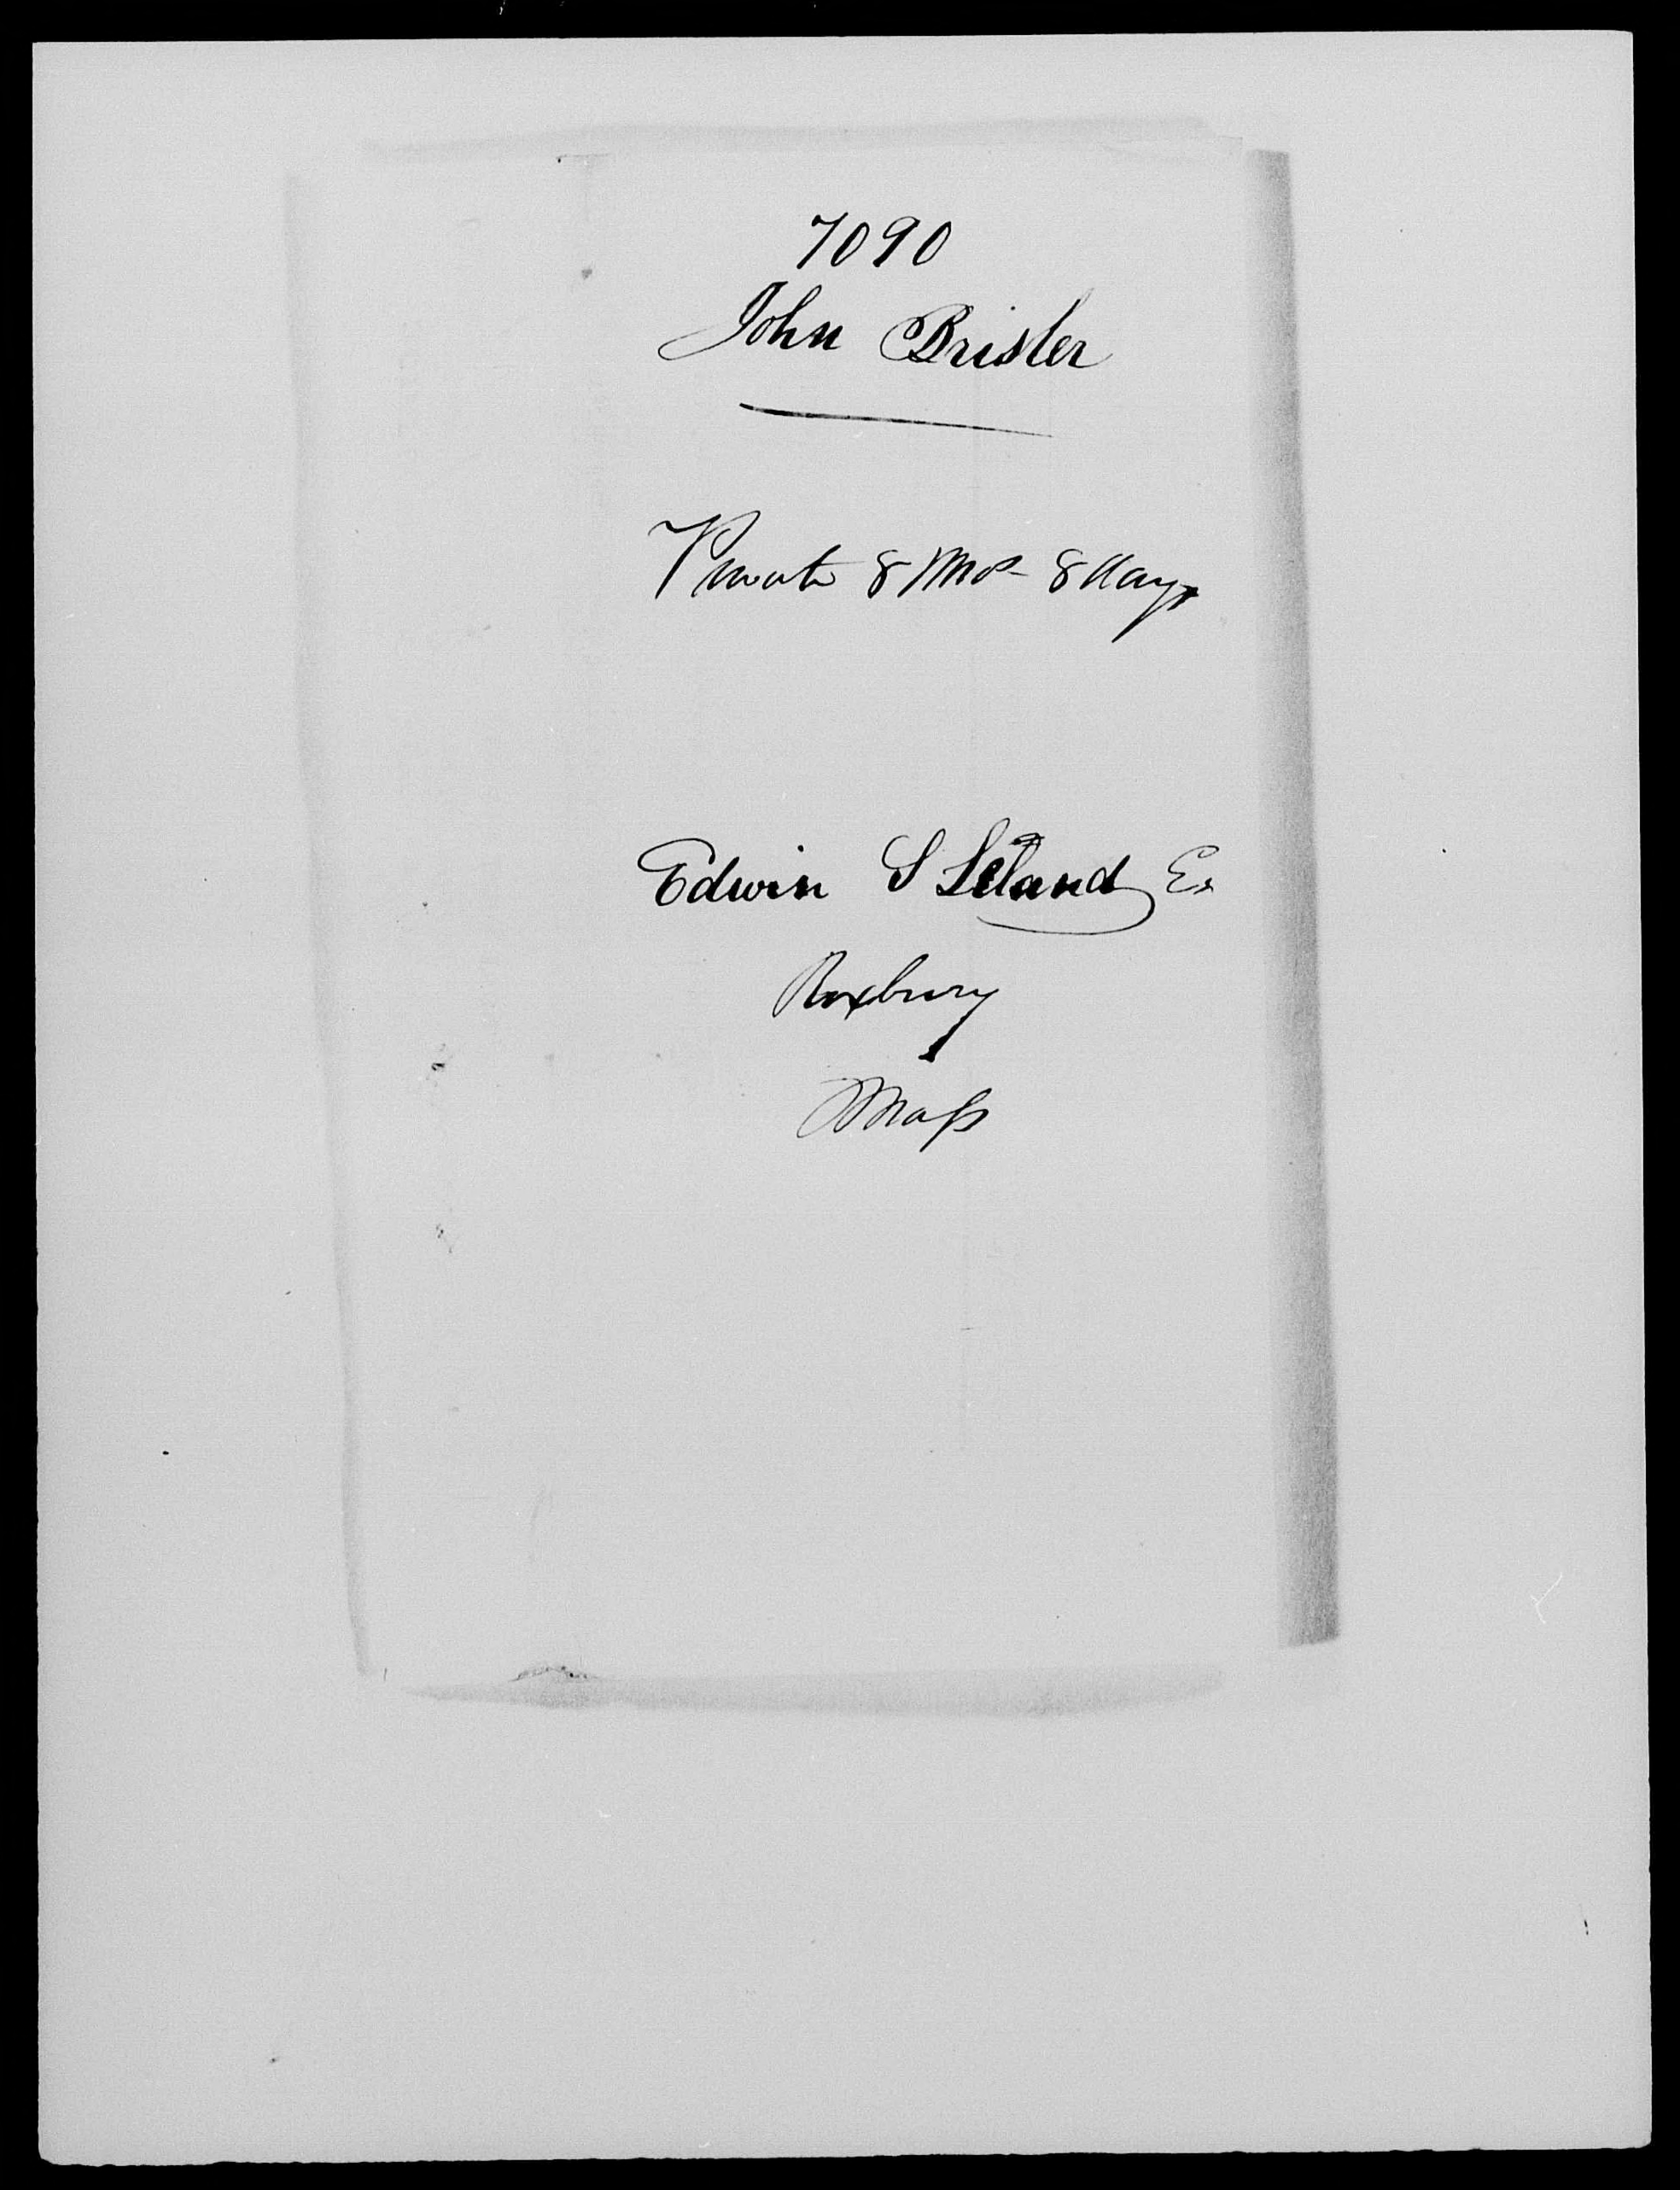7090
John Brisler
Private 8 mos 8 days 
Edwin L Leland Es
Roxbury Mass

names: Edwin S Leland, John Brisler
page: 4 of 46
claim: widow's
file: W. 23,673, John Brisler, Mass.